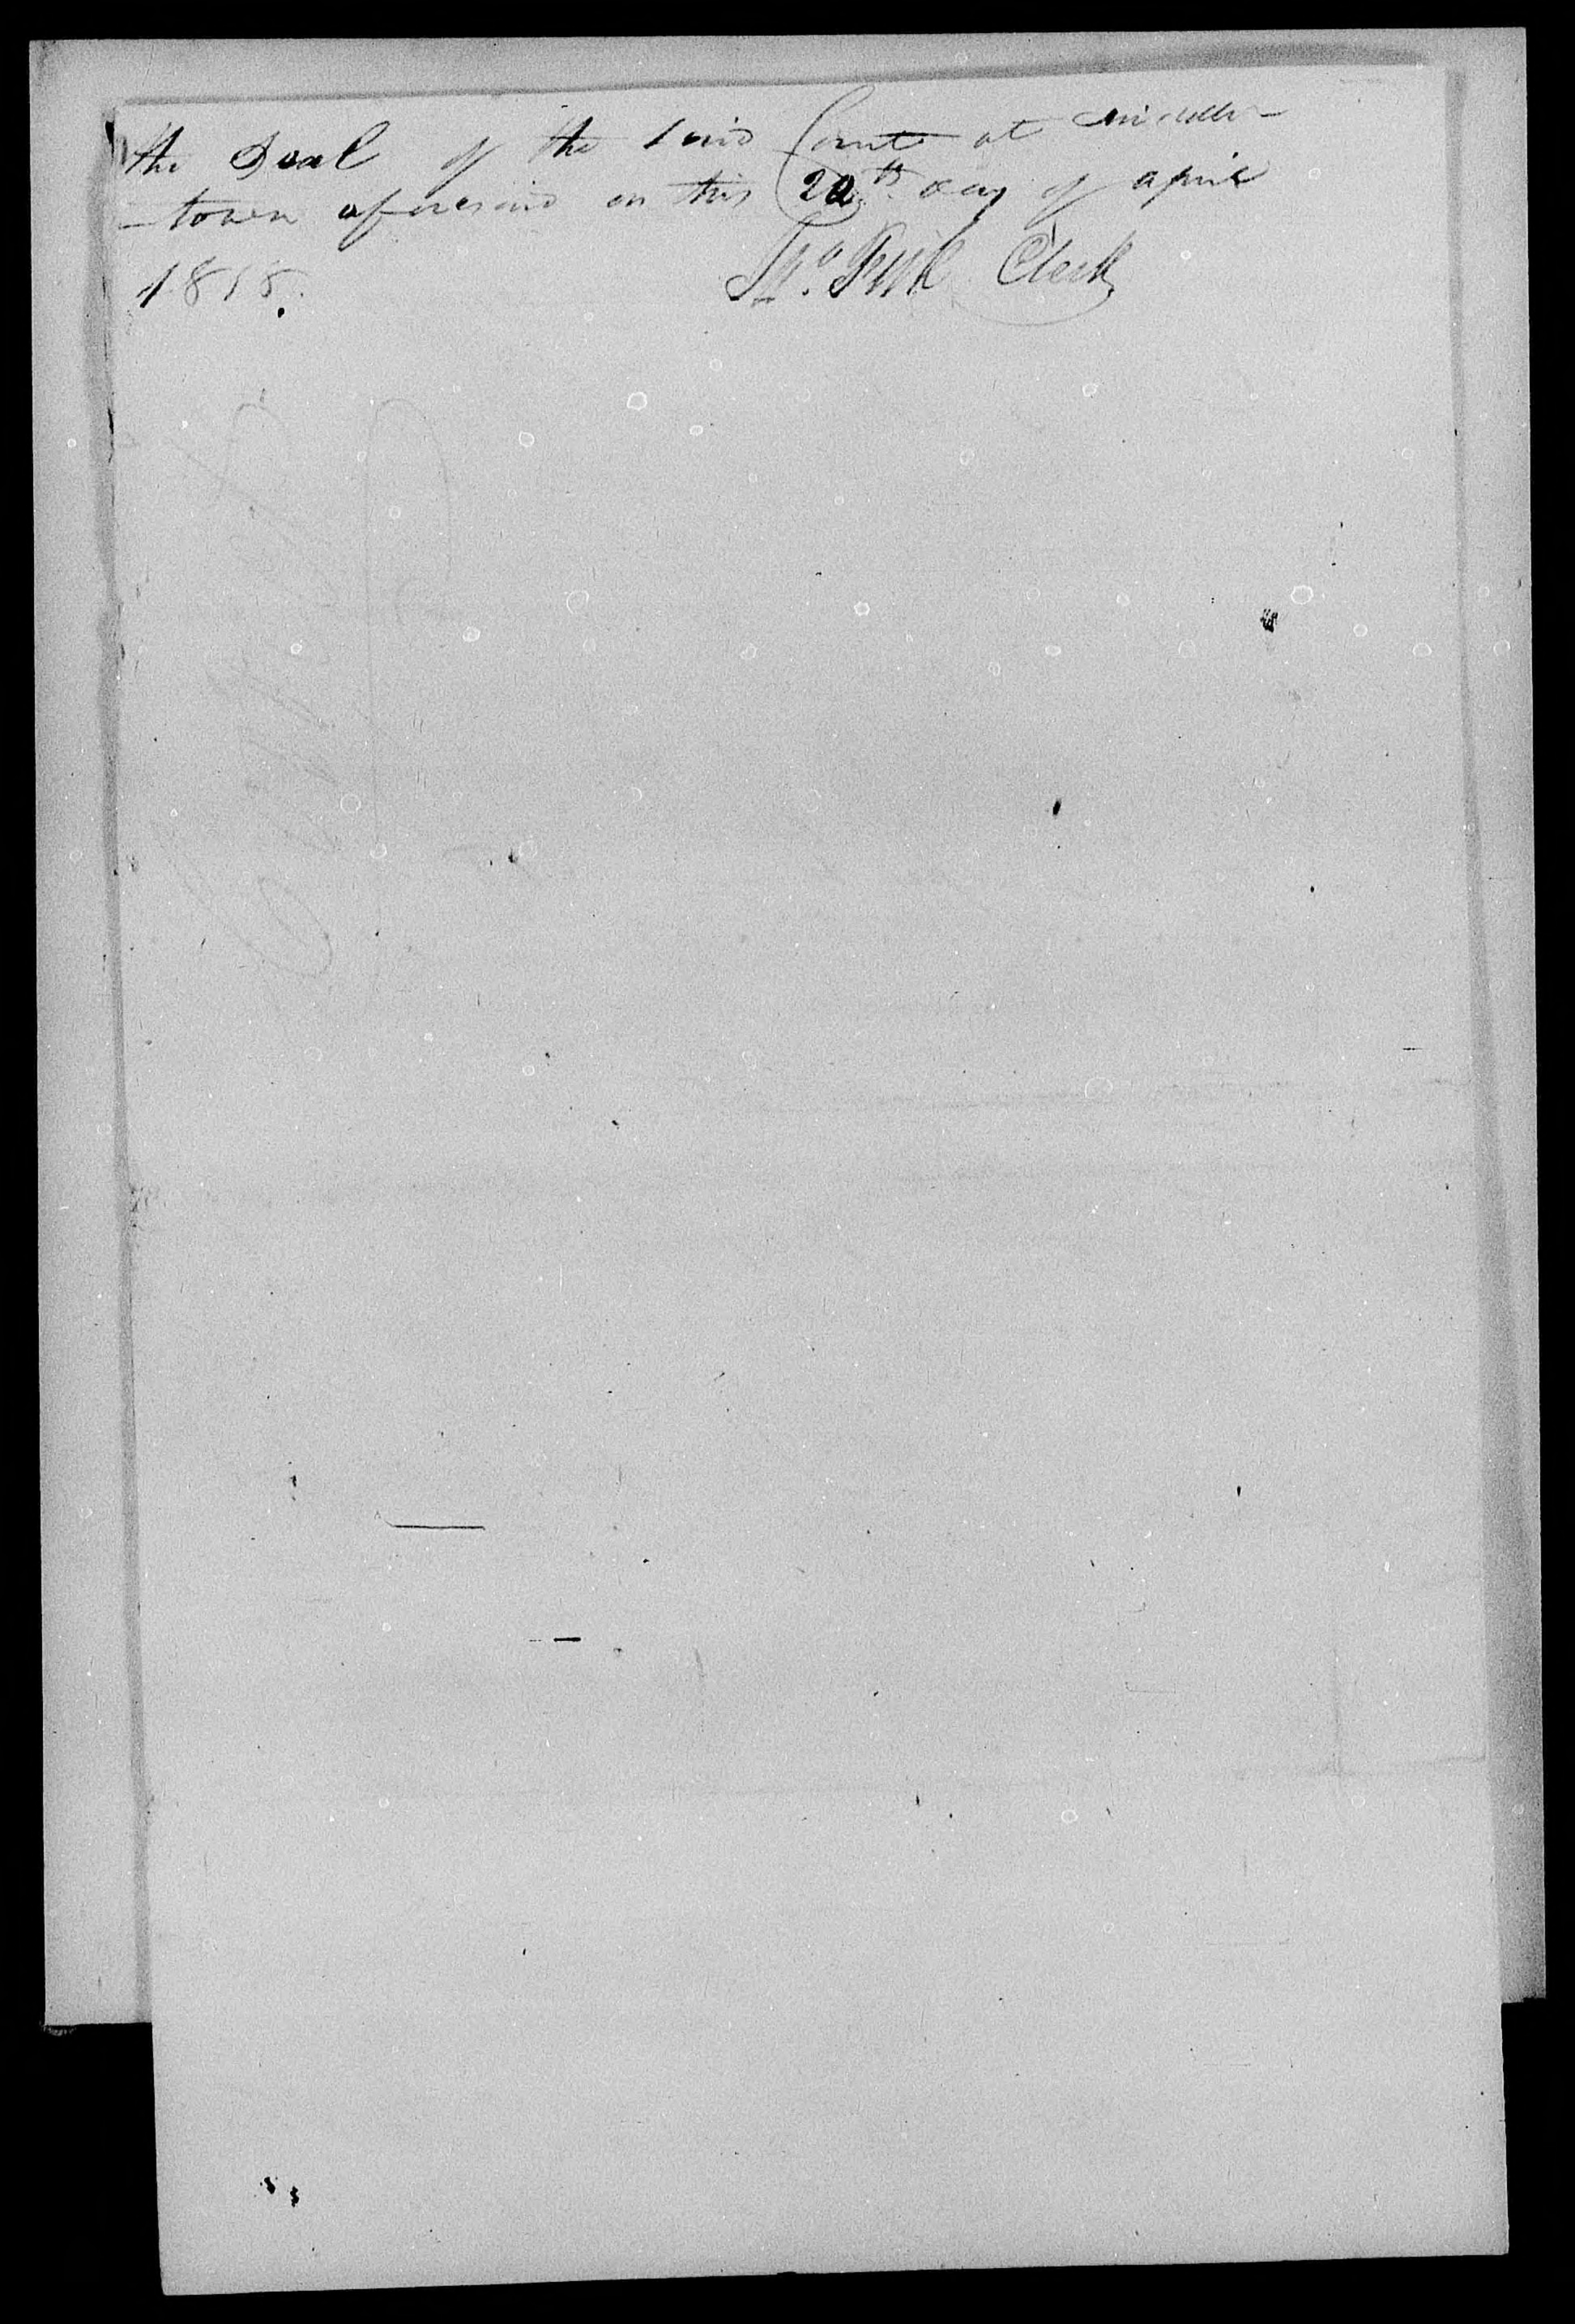the Seal of the said Court at Middletown aforesaid on this 20th day of April 1818.

J[Illegible] Fisk  Clerk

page: 6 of 47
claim: widow's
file: W. 17879, for Seth Strong, Connecticut